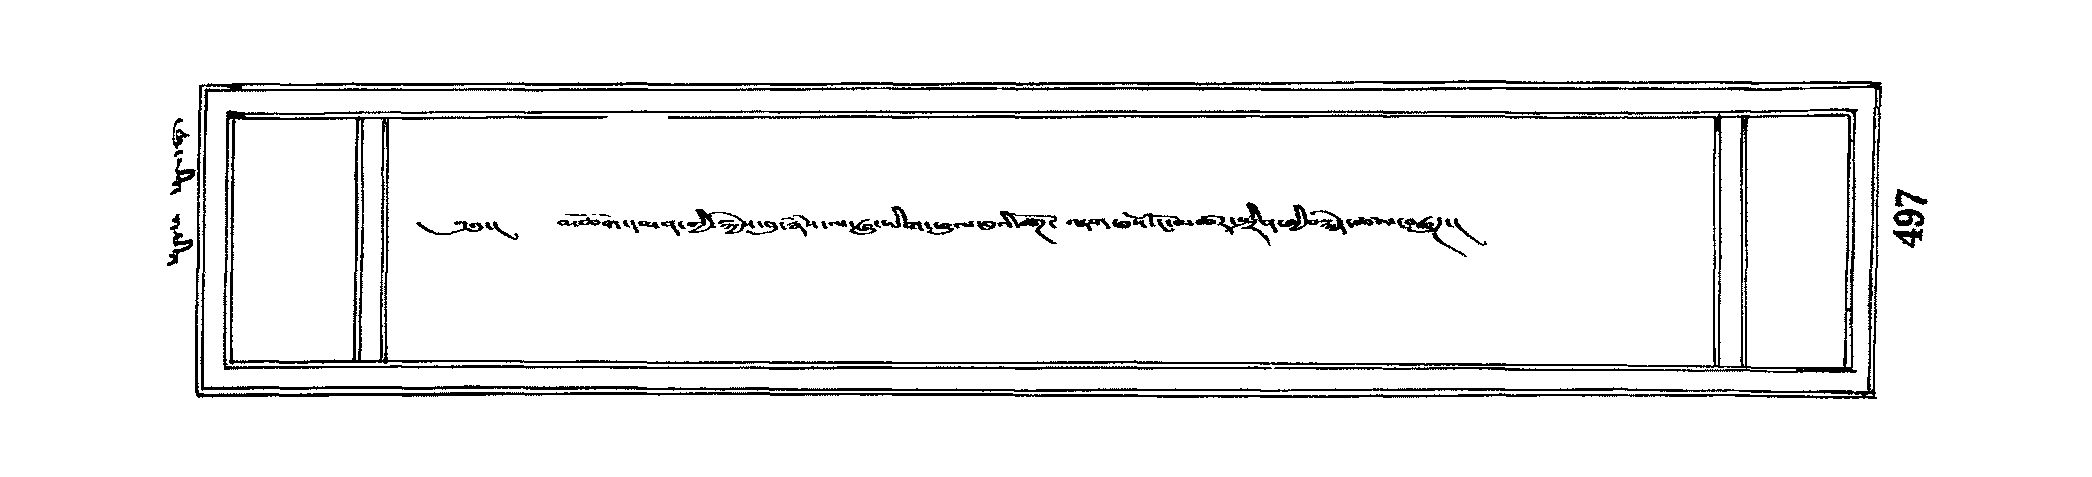༄༅། མཆོག་དམན་གྱི་སྐྱེས་བུ་རྣམས་ལ་ཞུ་ཡིག་ཕུལ་བའི་ཚོགས་ལྷག་བསམ་ངོ་མཚར་སྤྲིན་གྱི་བསྐྱེད་ཚལ་བཞུགས།